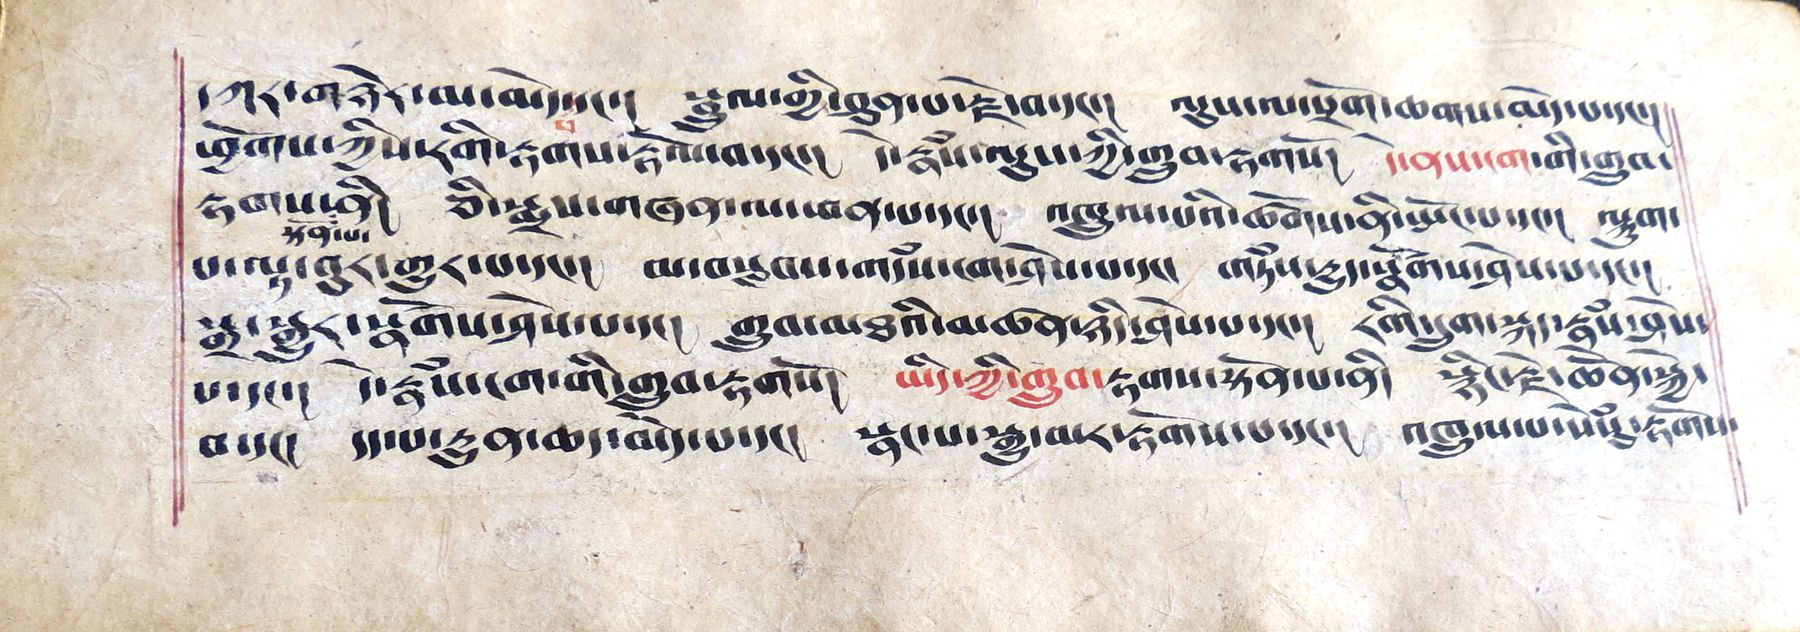དཀར་གཉེར་མ་མེད་པ་དང་། ། སྦྲུལ་ལྟར་ཤུན་པ་བརྗེ་བ་དང་། ། ལུས་ལ་སྲོག་ཆགས་མེད་པ་དང་། ། 
ཕྱོགས་ཀྱི་རིགས་རྟགས་བརྡོལ་བ་དང་། ། དེ་རྣམས་ལུས་ཀྱི་གྲུབ་རྟགས་སོ། ། དེ་ནས་ངག་གི་གྲུབ་
རྟགས་བསྟན་པ་ནི། ། ཅི་སྨྲས་གཞན་ལ་ཕན་པ་དང་། ། འཁྲུལ་པའི་ཚིག་ནི་སྤོང་བ་དང་། ། ལྐུགས་
པ་ལྟར་དུ་གྱུར་པ་དང་། ། མ་བསླབ་གདམས་ངག་ཤེས་པ་དང་། ། གཏམ་རྒྱུད་སྣ་ཚོགས་ཤེས་པ་དང་། ། 
སྒྲ་བསྒྱུར་སྣ་ཚོགས་ཤེས་པ་དང་། ། གྲུབ་མཐའི་མཚན་ཉིད་ཤེས་པ་དང་། ། རིགས་དྲུག་སྐད་རྣམས་ཤེས་
པ་དང་། ། དེ་རྣམས་ངག་གི་གྲུབ་རྟགས་སོ། ། ཡིད་ཀྱི་གྲུབ་རྟགས་བསྟན་པ་ནི། ། སྙིང་རྗེ་ཆེན་པོ་སྐྱེ་
བ་དང་། ། དད་པ་རྒྱུན་ཆད་མེད་པ་དང་། ། སྣང་བ་སྒྱུ་མར་རྟོགས་པ་དང་། ། འཁྲུལ་པ་སེམས་སུ་རྟོགས་